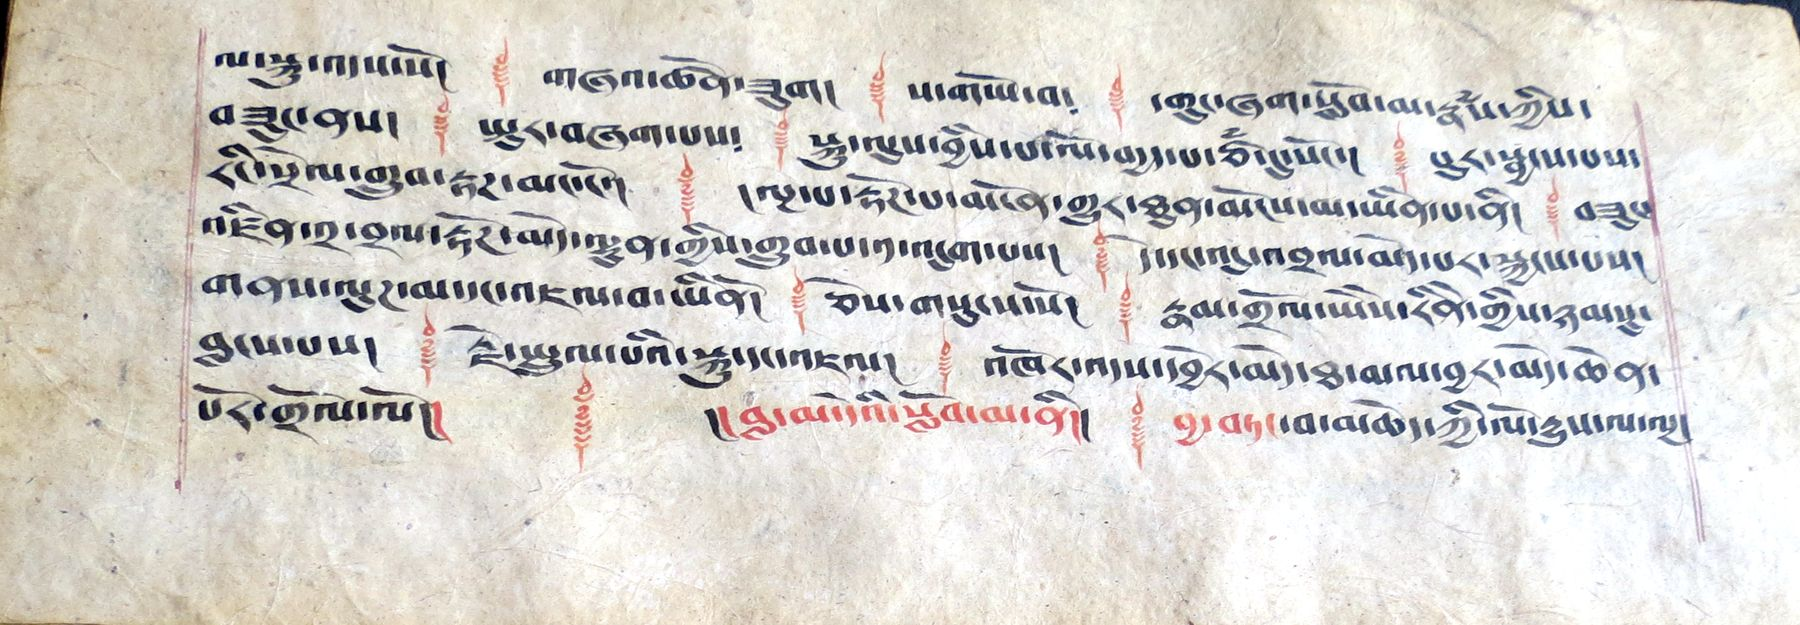ལ་སྐུ་འདས་སོ། ། གཞའ་ཚོན་ཟུག་པ། ས་གཡོ་བ། དགུང་ཞག་སློབ་མ་རྣམས་ཀྱིས་
བཟུང་ནས། སྤུར་བཞག་པས། སྐུ་ལུས་བྱིས་པ་ལོ་བརྒྱད་པ་ཙམ་དུ་སོང་། སྤུར་སྦྱངས་པས་
རིང་བསྲེལ་གྲུབ་རྟགས་མང་ངོ་། ། ལྔ་པ་རྟོགས་པ་མངོན་གྱུར་ཐུན་མོང་མ་ཡིན་པ་ནི། བཟུང་
འཛིན་གཉིས་བྲལ་རྟོག་མེད་ལྷུན་གྱིས་གྲུབ་པ་ཞིག་འདུག་པས། དེ་དང་འདུ་འབྲལ་མེད་པར་བསྐྱངས་པས། 
གནས་ལུགས་མ་དང་མཇལ་བ་ཡིན་ནོ། ། ཞེས་གསུངས་སོ། ། རྣམ་གྲོལ་ཡེ་ཤེས་རིན་ཆེན་གྱིས་ཉམས་སུ་
བླངས་པས། རྗེ་སྤྲུལ་པའི་སྐུ་དང་མཇལ། འཁོར་འདས་དབྱེར་མེད་ཐ་མལ་བྱར་མེད་ཆེན་
པོར་གྲོལ་ལོ། ། བླ་མ་དེའི་སློབ་མ་ནི། བྱ་བཏང་པ་མཆེད་ཀྱི་ལོ་རྒྱུས་ལ་ལྔ།